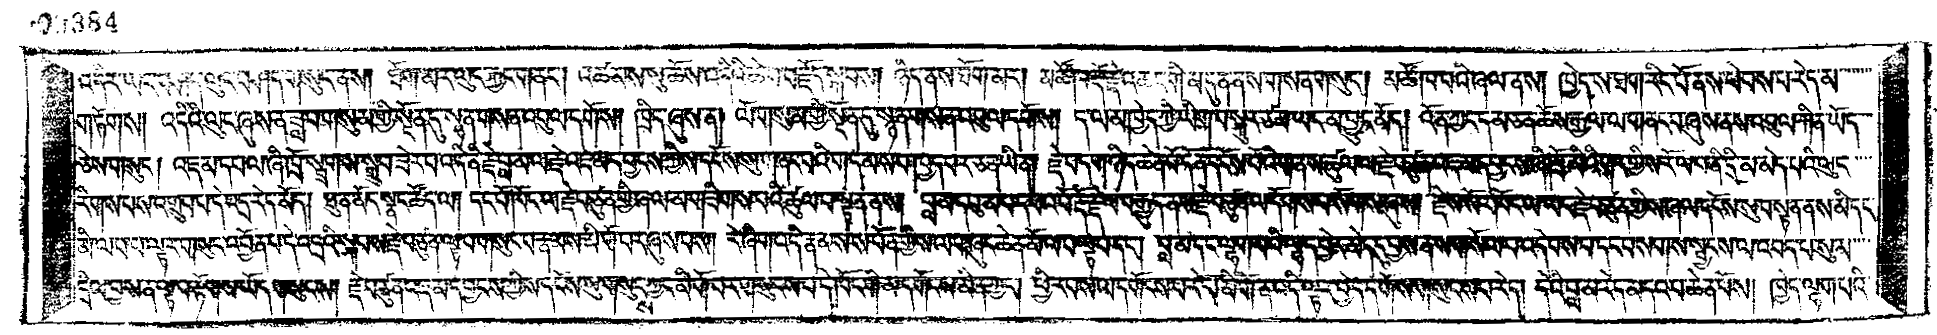འདིར་ཡང་བཤད་ལུང་བཤད་གསུང་ནས། ཐོག་མར་ལུང་རྐྱང་གནང་། འཚམས་སུ་ཆོས་འདིའི་ཆེ་བ་བརྗོད་སྐབས། ཉིད་ནས་ཐོག་མར། མཚོ་ཁ་རྡོ་རྗེ་འཆང་གི་མདུན་ནས་གསན་གསུང་། མཚོ་ཁ་པའི་ཞལ་ནས། ཁྱེད་ས་ཐག་རིང་པོ་ནས་ཕེབས་པ་རེད་མ་
གཏོགས། འདིའི་ལུང་ཞུས་ན་ཟླ་བ་གསུམ་གྱི་སྔོན་དུ་སྙན་གསན་འབུལ་དགོས། ཁྲིད་ཞུས་ན། ལོ་གསུམ་གྱི་སྔོན་དུ་སྙན་གསན་འབུལ་དགོས། ད་ལམ་ཁྱེད་ཀྱི་ཡིག་བསྐུར་ཙམ་ཡང་མ་བྱུང་མོད། འོན་ཀྱང་དམ་ཅན་ཆོས་རྒྱལ་ལ་གནང་བ་ཞུས་ནས་འབུལ་ཀིན་ཡོད་
ཅེས་གསུང་། འཇམ་དཔལ་ཞི་ཁྲོ་སྦྲགས་སྒྲུབ་ཟེར་བ་འདི་ནི་རྗེ་བླ་མ་ལ་རྗེ་འཇམ་དབྱངས་ཀྱིས་དངོས་སུ་གནང་བའི་གདམས་པ་ཁྱད་པར་ཅན་ཡིན། རྗེ་བདག་ཉིད་ཆེན་པོ་དོན་དངོས་པོའི་གནས་ཚུལ་ལ་རྗེ་བཙུན་འཇམ་དབྱངས་ཞི་ཁྲོ་མིའི་ལྟར་?་གྱིས་རོལ་བ་ནི་དྲི་མ་མེད་པའི་ལུང་
རིགས་པས་འགྲུབ་པ་དེ་འདྲ་རེད་མོད། ཐུན་མོང་སྣང་ཚོད་ལ། དང་པོ་ཁོང་ལ་རྗེ་བཙུན་གྱི་ཞལ་མ་གཟིགས་པའི་ཚུལ་བསྟན་ནས། བླ་མ་དབུ་མ་པ་དཔའ་བོ་རྡོ་རྗེ་ལ་བརྒྱུད་ནས་རྗེ་བཙུན་ལ་དོགས་པ་སོགས་ཞུས། རྗེས་སོར་ཁོང་ལ་ཡང་རྗེ་བཙུན་གྱིས་ཞལ་དངོས་སུ་བསྟན་ནས་མི་དང་
མི་ལབ་པ་ལྟར་གསུང་འབྱོན་པ་དེ་འདྲའི་སྐབས་རྗེ་བཙུན་ལྟ་བ་གསུང་བ་རྣམས་མི་གོ་བར་ཞུས་པས། རེ་ཞིག་འདི་རྣམས་ས་བོན་གྱིས་ལ་གཞུང་ཆེན་མོ་ལ་བལྟ་བ་དང་། བླ་མ་དང་ལྷག་པའི་ལྷ་དབྱེར་མེད་དུ་བྱས་ནས་གསོལ་བ་འདེབས་པ་དང་བསགས་སྦྱངས་ལ་འབད་པ་སུམ་
དྲིལ་བྱས་ན་ལྟ་བ་རྟོགས་ཡོད་གསུངས། རྗེ་བཙུན་འཇམ་དབྱངས་ཀྱིས་དངོས་སུ་གསུངས་ཀྱང་མི་གོ་བར་གསུངས་པ་དེ་ཁོང་གི་མ་དགོངས་མིན་ཀྱང་། ཕྱི་རབས་ལ་དགོངས་པ་རེད། མི་གོ་ན་འདི་ལྟར་བྱེད་དགོས་གསུངས་པ་རེད། དེའི་བླ་མ་རེད་མདའ་བ་ཆེན་པོས། ཁྱེད་ལྷག་པའི་